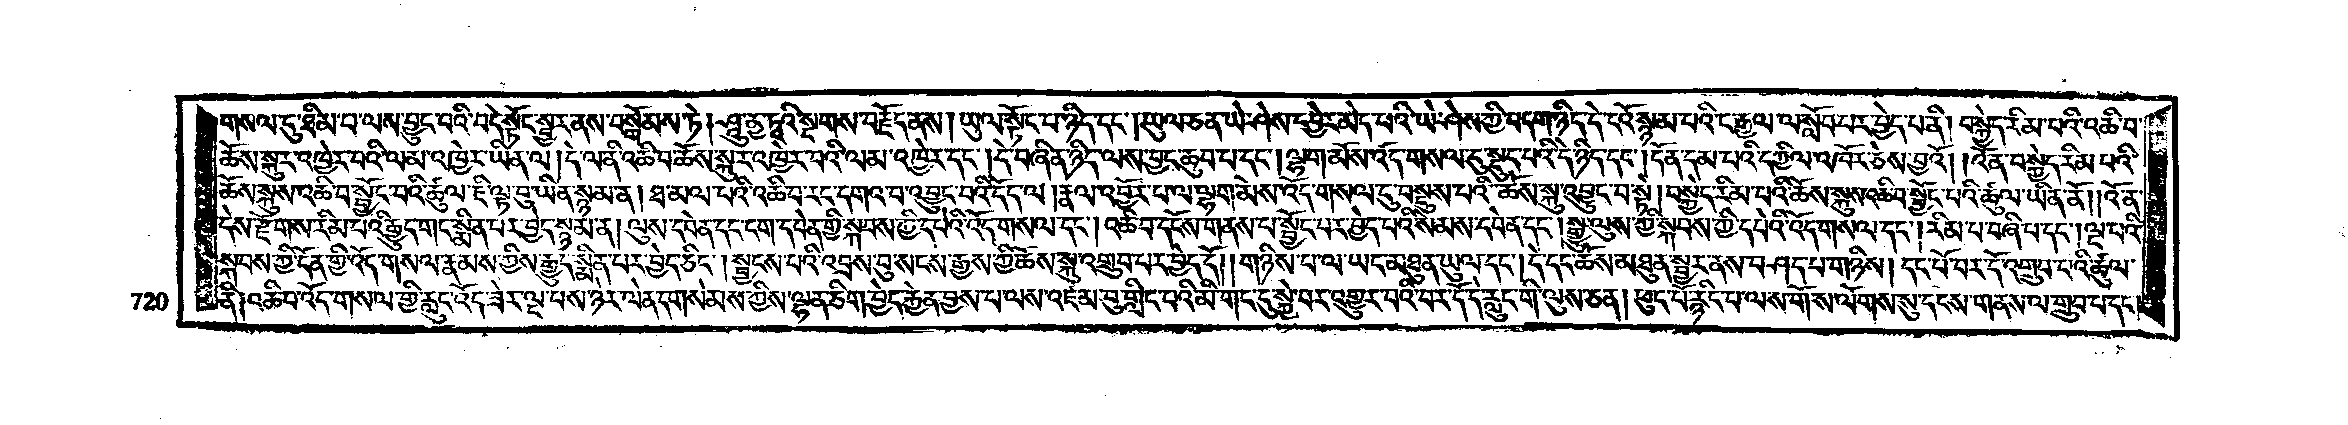གསལ་དུ་ཐིམ་པ་ལས་བྱུང་བའི་བདེ་སྟོང་སྦྱར་ནས་བསྒོམས་ཏེ། ཤཱུ་ནྱ་ཏཱའི་སྔགས་བརྗོད་ནས། ཡུལ་སྟོང་པ་ཉིད་དང་། ཡུལ་ཅན་ཡེ་ཤེས་དབྱེར་མེད་པའི་ཡེ་ཤེས་ཀྱི་བདག་ཉིད་དེ་ངའོ་སྙམ་པའི་ང་རྒྱལ་ལ་སློབ་པར་བྱེད་པ་ནི། བསྐྱེད་རིམ་པའི་འཆི་བ་
ཆོས་སྐུར་འཁྱེར་བའི་ལམ་འཁྱེར་ཡིན་ལ། དེ་ལ་ནི་འཆི་བ་ཆོས་སྐུར་འཁྱེར་བའི་ལམ་འཁྱེར་དང་། དེ་བཞིན་ཉིད་ལས་བྱང་ཆུབ་པ་དང་། ལྷག་མོས་འོད་གསལ་དུ་སྡུད་པའི་དེ་ཉིད་དང་། དོན་དམ་པའི་དཀྱིལ་འཁོར་ཅེས་བྱའོ། །འོ་ན་བསྐྱེད་རིམ་པའི་
ཆོས་སྐུས་འཆི་བ་སྦྱོང་བའི་ཚུལ་ཇི་ལྟར་ཡིན་སྙམ་ན། ཐ་མལ་པའི་འཆི་བ་རང་དགའ་བ་འབྱུང་བའི་དོད་ལ། རྣལ་འབྱོར་པ་ལ་ལྷག་མོས་འོད་གསལ་དུ་བསྡུས་པའི་ཆོས་སྐུ་འབྱུང་བ་སྟེ། བསྐྱེད་རིམ་པའི་ཆོས་སྐུས་འཆི་བ་སྦྱོང་བའི་ཚུལ་ཡིན་ནོ། །འོ་ན་
དེས་རྫོགས་རིམ་པའི་རྒྱུད་གང་སྨིན་པར་བྱེད་སྙམ་ན། ལུས་དབེན་དང་ངག་དབེན་གྱི་སྐབས་ཀྱི་དཔེའི་འོད་གསལ་དང་། འཆི་བ་དངོས་གནས་པ་སྦྱོང་བར་བྱེད་པའི་སེམས་དབེན་དང་། སྒྱུ་ལུས་ཀྱི་སྐབས་ཀྱི་དཔེའི་འོད་གསལ་དང་། རིམ་པ་བཞི་པ་དང་། ལྔ་པའི་
སྐབས་ཀྱི་དོན་གྱི་འོད་གསལ་རྣམས་ཀྱིས་རྒྱུད་སྨིན་པར་བྱེད་ཅིང་། སྦྱངས་པའི་འབྲས་བུ་སངས་རྒྱས་ཀྱི་ཆོས་སྐུ་འགྲུབ་པར་བྱེད་དོ། །གཉིས་པ་ལ་ཡང་མཐུན་ཡུལ་དང་། དེ་དང་ཆོས་མཐུན་སྦྱར་ནས་བཤད་པ་གཉིས། དང་པོ་བར་དོ་འགྲུབ་པའི་ཚུལ་
ནི༑ འཆི་བ་འོད་གསལ་གྱི་རླུང་འོད་ཟེར་ལྔ་པས་ཉེར་ལེན་དང་། སེམས་ཀྱིས་ལྷན་ཅིག་བྱེད་རྐྱེན་བྱས་པ་ལས་འཛམ་བུ་གླིང་པའི་མི་གང་དུ་སྐྱེ་བར་འགྱུར་བའི་བར་དོ་དེ་རླུང་གི་ལུས་ཅན། ཕུང་པོ་རྙིང་པ་ལས་གོ་ས་ལོགས་སུ་དངོས་གནས་ལ་གྲུབ་པ་དང་།